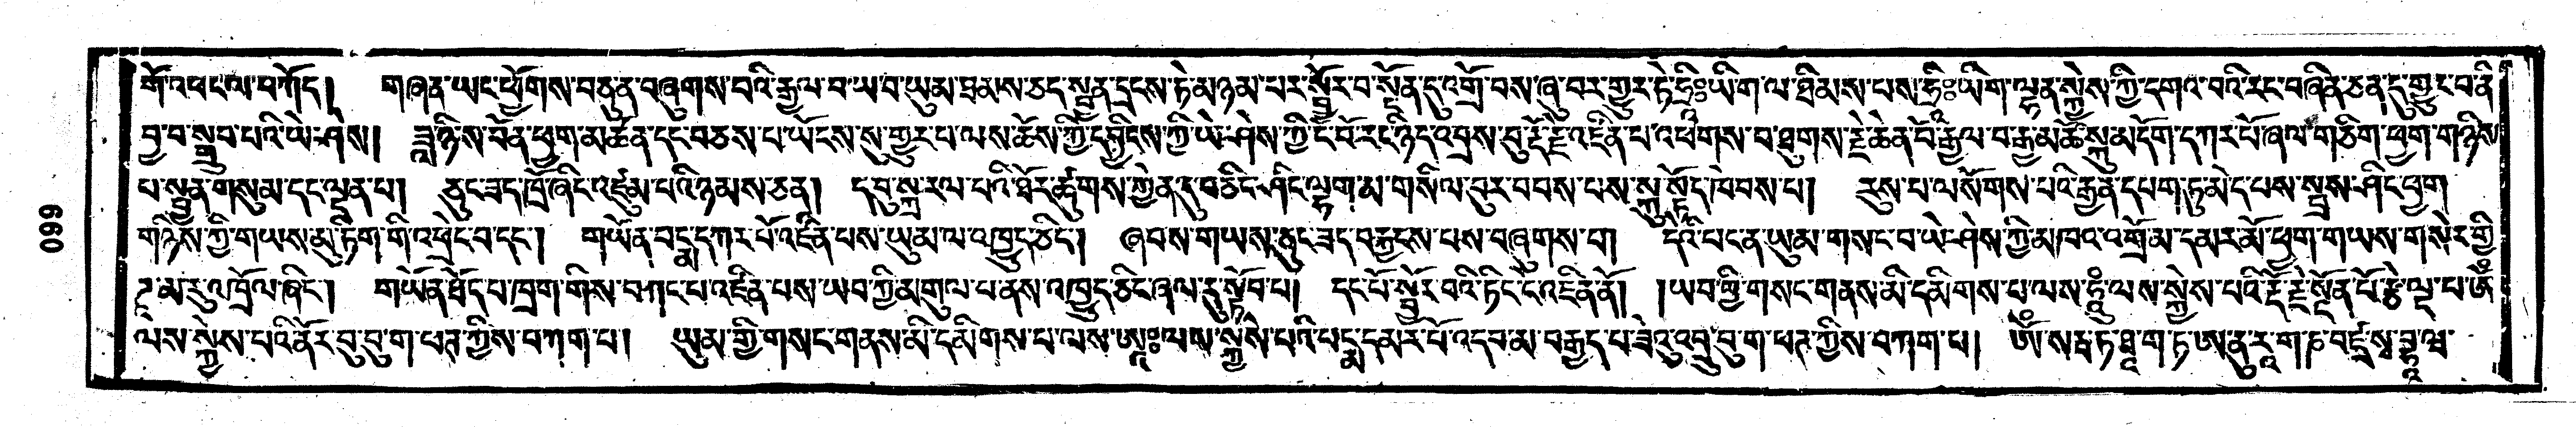གོ་འཕང་ལ་བཀོད། གཞན་ཡང་ཕྱོགས་བཅུ་ན་བཞུགས་བའི་རྒྱལ་བ་ཡ་བ་ཡུམ་ཐམས་ཅད་སྤྱན་དྲངས་ཏེ་མཉམ་པར་སྦྱོར་བ་སྔོན་དུ་འགྲོ་བས་ཞུ་བར་གྱུར་ཏེ་ཧྲཱིཿཡི་ག་ལ་ཐིམས་པས་ཧྲཱིཿཡིག་ལྷན་སྐྱེས་ཀྱི་དགའ་བའི་རང་བཞིན་ཅན་དུ་གྱུར་བ་ནི་
བྱ་བ་སྒྲུབ་པའི་ཡེ་ཤེས། ཟླ་ཉི་ས་བོན་ཕྱག་མཚན་དང་བཅས་པ་ཡོངས་སུ་གྱུར་པ་ལས་ཆོས་ཀྱི་དབྱིངས་ཀྱི་ཡེ་ཤེས་ཀྱི་ངོ་བོ་རང་ཉིད་འབྲས་བུ་རྡོ་རྗེ་འཛིན་པ་འཕགས་བ་ཐུགས་རྗེ་ཆེན་པོ་རྒྱལ་བ་རྒྱ་མཚོ་སྐུ་མདོག་དཀར་པོ་ཞལ་གཅིག་ཕྱག་གཉིས་
པ་སྤྱན་གསུམ་དང་ལྡན་པ། ཅུང་ཟད་ཁྲོ་ཞིང་འཛུམ་པའི་ཉམས་ཅན། དབུ་སྐྲ་རལ་པའི་ཐོར་ཚུགས་གྱེན་དུ་བཅིང་ཤིང་ལྷག་མ་གསིལ་བུར་བབས་པས་སྐུ་སྟོད་ཁེབས་པ། རུས་པ་ལ་སོགས་པའི་རྒྱན་དཔག་ཏུ་མེད་པས་སྦྲས་ཤིང་ཕྱག་
གཉིས་ཀྱི་གཡས་མུ་ཏིག་གི་འཕྲེང་བ་དང་། གཡོན་པདམ་དཀར་པོ་འཛིན་པས་ཡུམ་ལ་འཁྱུད་ཅིང་། ཞབས་གཡས་ནུང་ཟད་བརྐྱངས་པས་བཞུགས་པ། དེའི་པང་ན་ཡུམ་གསང་བ་ཡེ་ཤེས་ཀྱི་མཁའ་འགྲོ་མ་དམར་མོ་ཕྱག་གཡས་གསེར་གྱི་
ཌཱ་མ་རུ་འཁྲོལ་ཞིང་། གཡོན་ཐོད་པ་ཁྲག་གིས་བཀང་པ་འཛིན་པས་ཡབ་ཀྱི་མགུལ་པ་ནས་འཁྱུད་ཅིང་ཞལ་རུ་སྟོབ་པ། དང་པོ་སྦྱོར་བའི་ཏིང་ངེ་འཛིན་ནོ། །ཡབ་གྱི་གསང་གནས་མི་དམིགས་པ་ལས་ཧཱུཾ་ལས་སྐྱེས་པའི་རྡོ་རྗེ་སྔོན་པོ་རྩེ་ལྔ་པ་ཨོཾ་
ལས་སྐྱེས་པའི་ནོར་བུ་བུ་ག་ཕཊ་ཀྱིས་བཀག་པ། ཡུམ་གྱི་གསང་གནས་མི་དམིགས་པ་ལས་ཨཱཿལས་སྐྱེས་པའི་པདམ་དམར་པོ་འདབ་མ་བརྒྱད་པ་ཟེའུ་འབྲུ་བུ་ག་ཕཊ་ཀྱིས་བཀག་པ། ཨོཾ་སརྦ་ཏ་ཐཱ་ག་ཏ་ཨ་ནུ་རཱ་ག་ཎ་བཛྲ་སྭ་བྷཱ་ཝ་